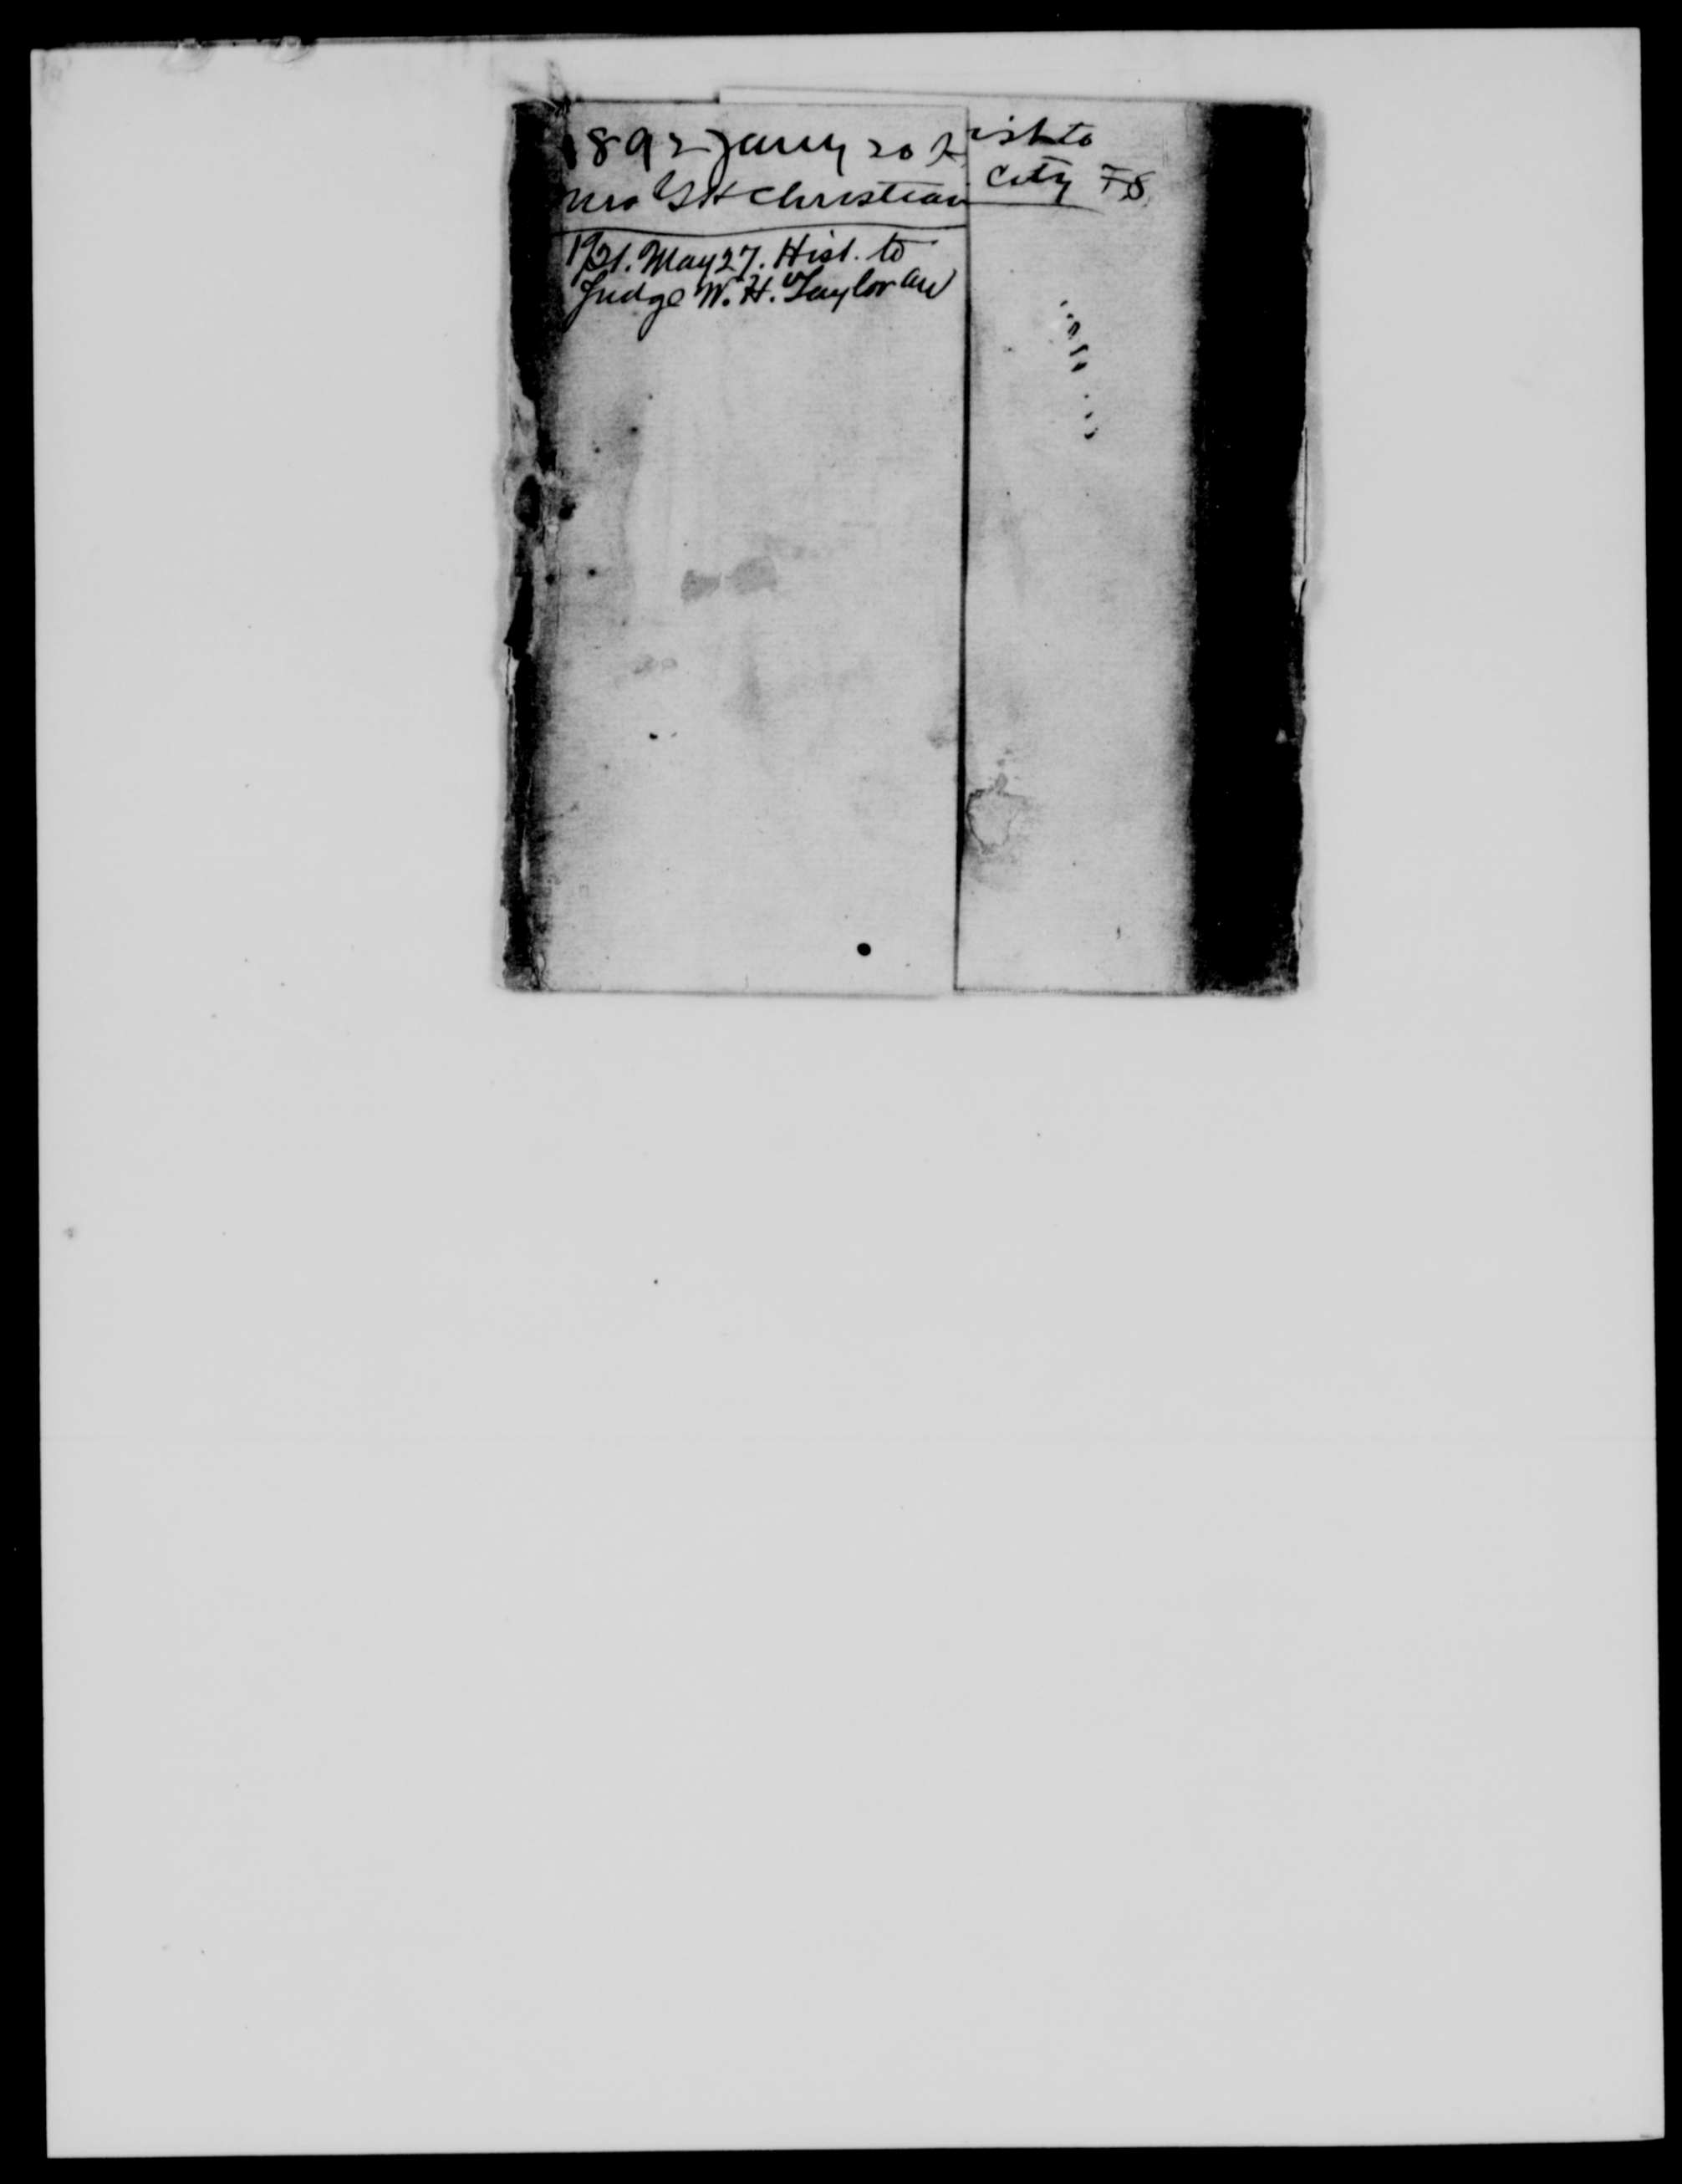1892 Jany 20 Hist to
Mrs. GH Christian City   FS

1921 May 27 Hist. to 
Judge W. H. Taylor  aw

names: G H Christian, W H Taylor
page: 18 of 79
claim: survivor's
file: S. 11759, Samuel White, Mass.